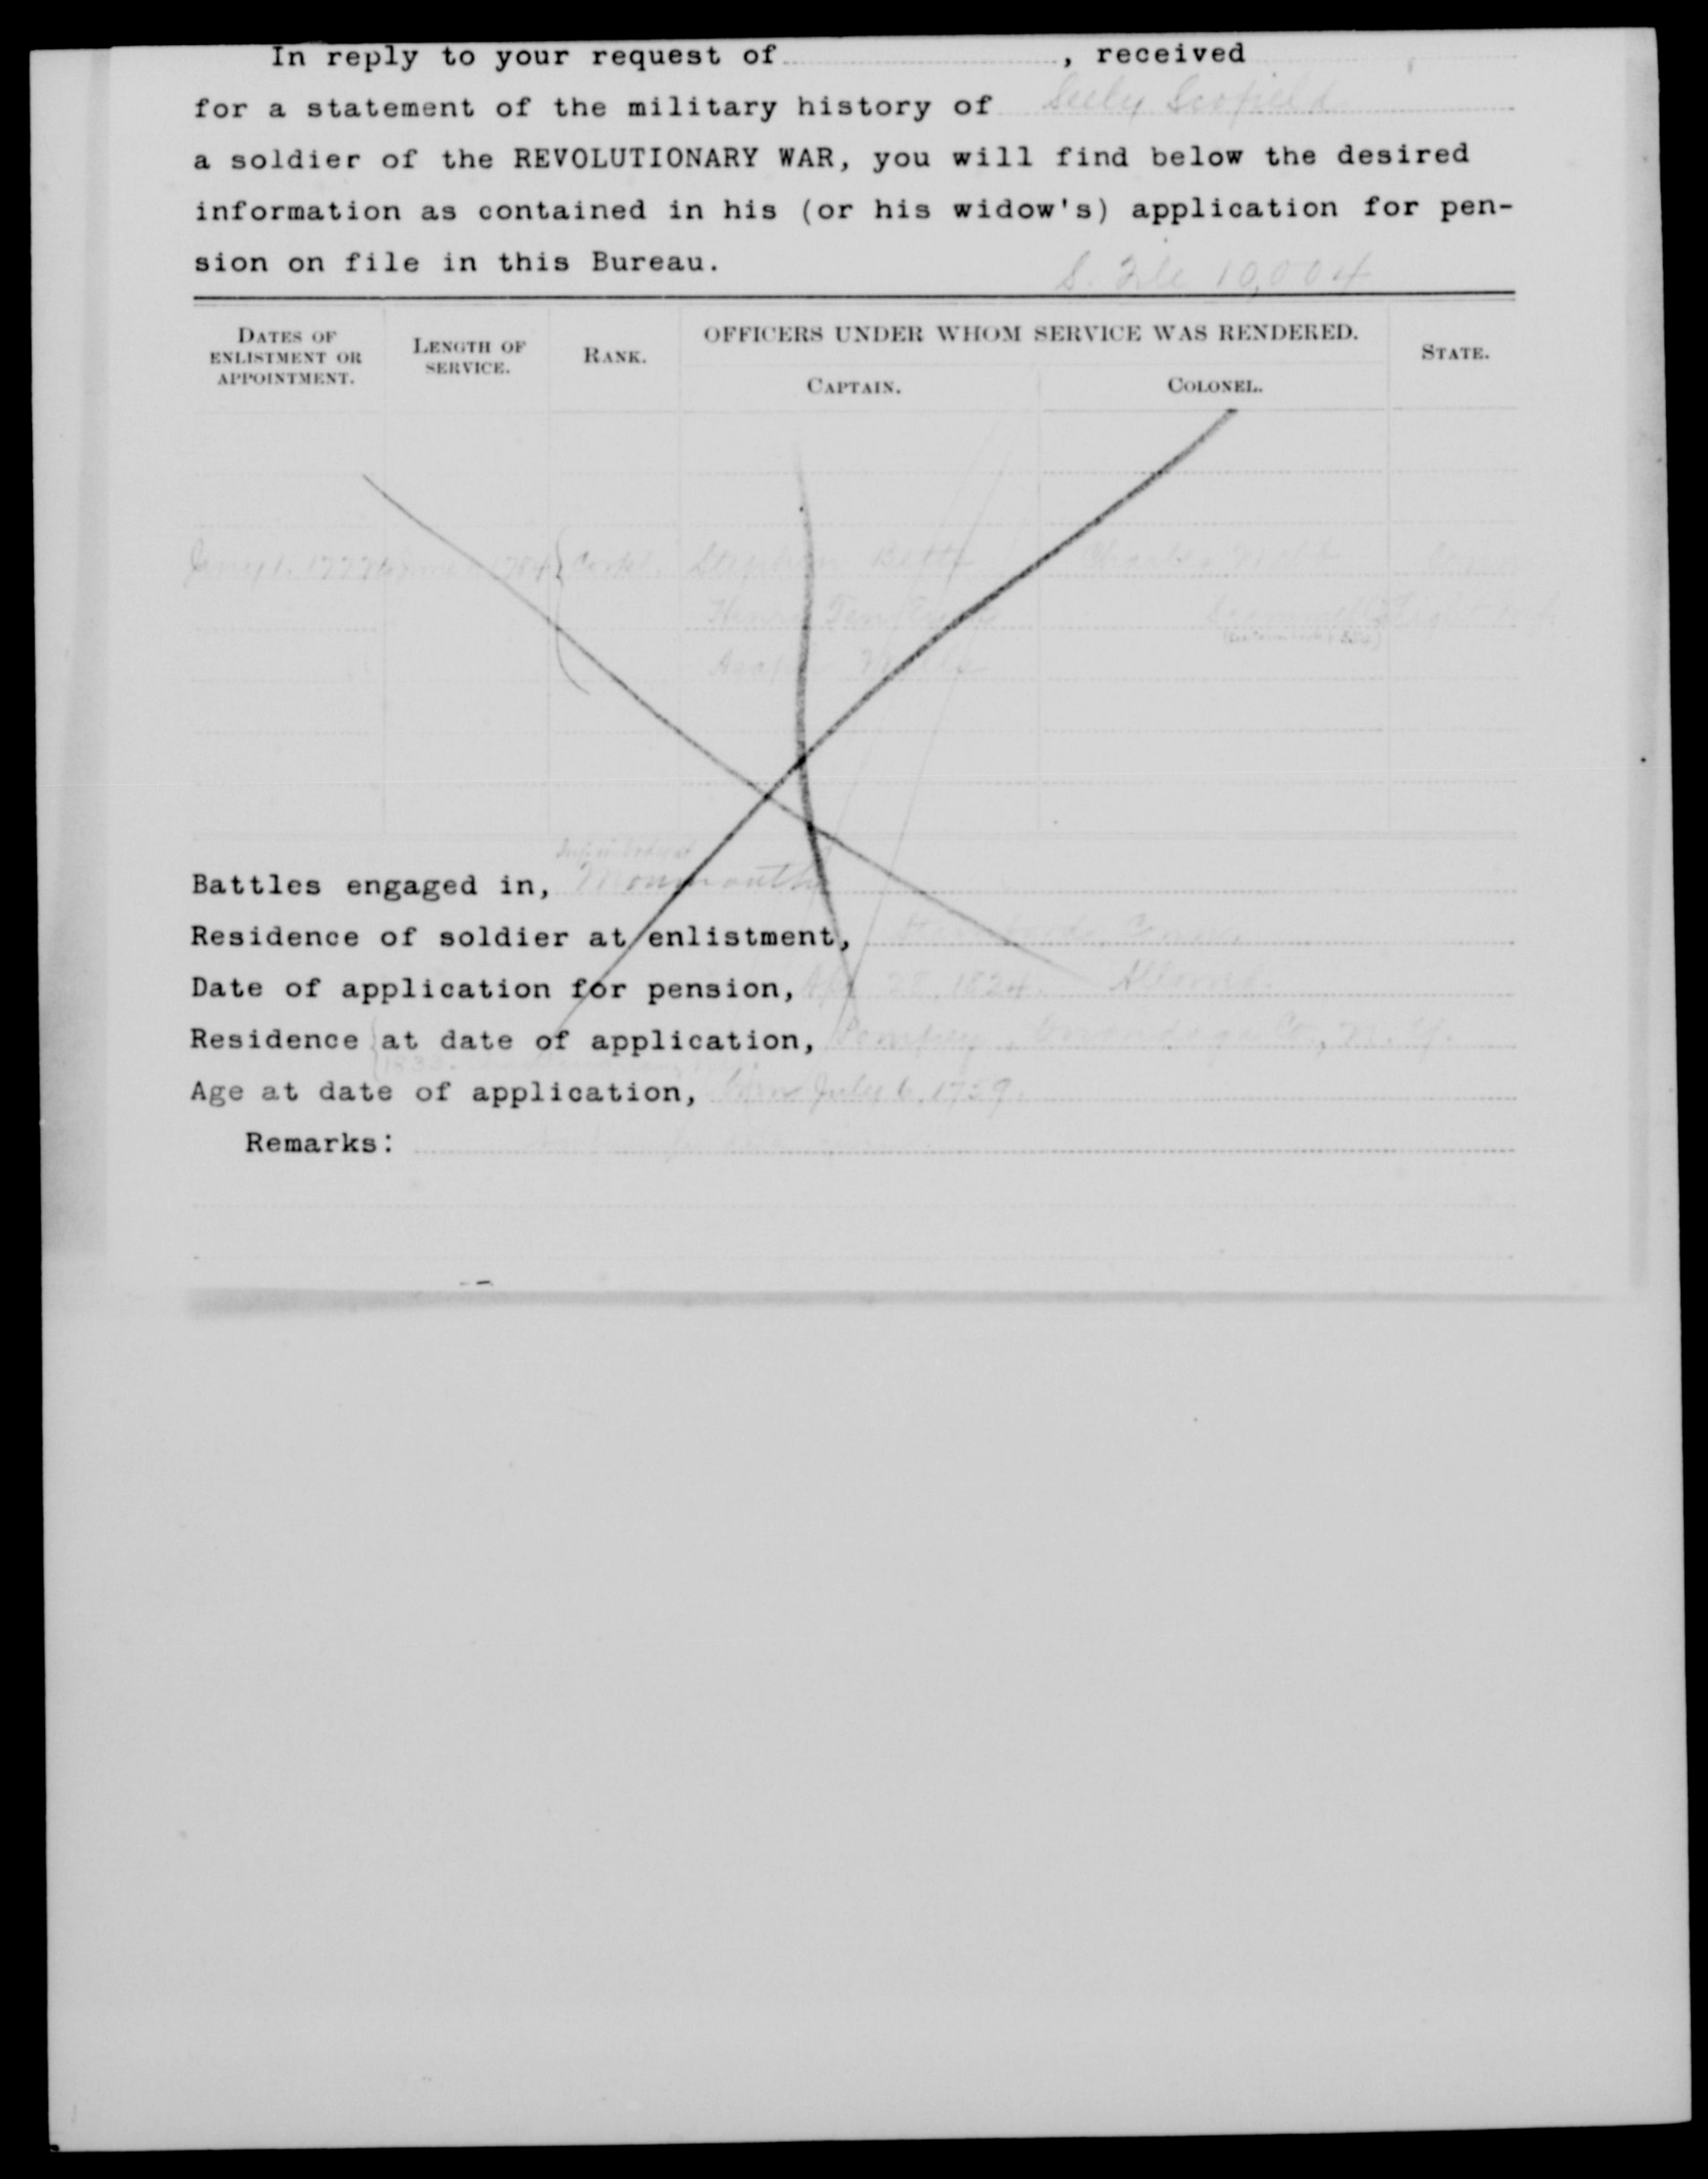In reply to your request of – received - for a statement of the military history of a soldier of the REVOLUTIONARY WAR, you will find below the desired information as contained in his (or his widow's) application for pension on file in this Bureau. S. File 10,004
DATES OF ENLISTMENT OR APPOINTMENT.  LENGTH OF SERVICE.   RANK. OFFICERS UNDER WHOM SERVICE WAS RENDERED. 
Age at date of application, born July 6 1759  
Remarks:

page: 34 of 36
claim: survivor's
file: S. 10,004, for Seely Scofield, Connecticut